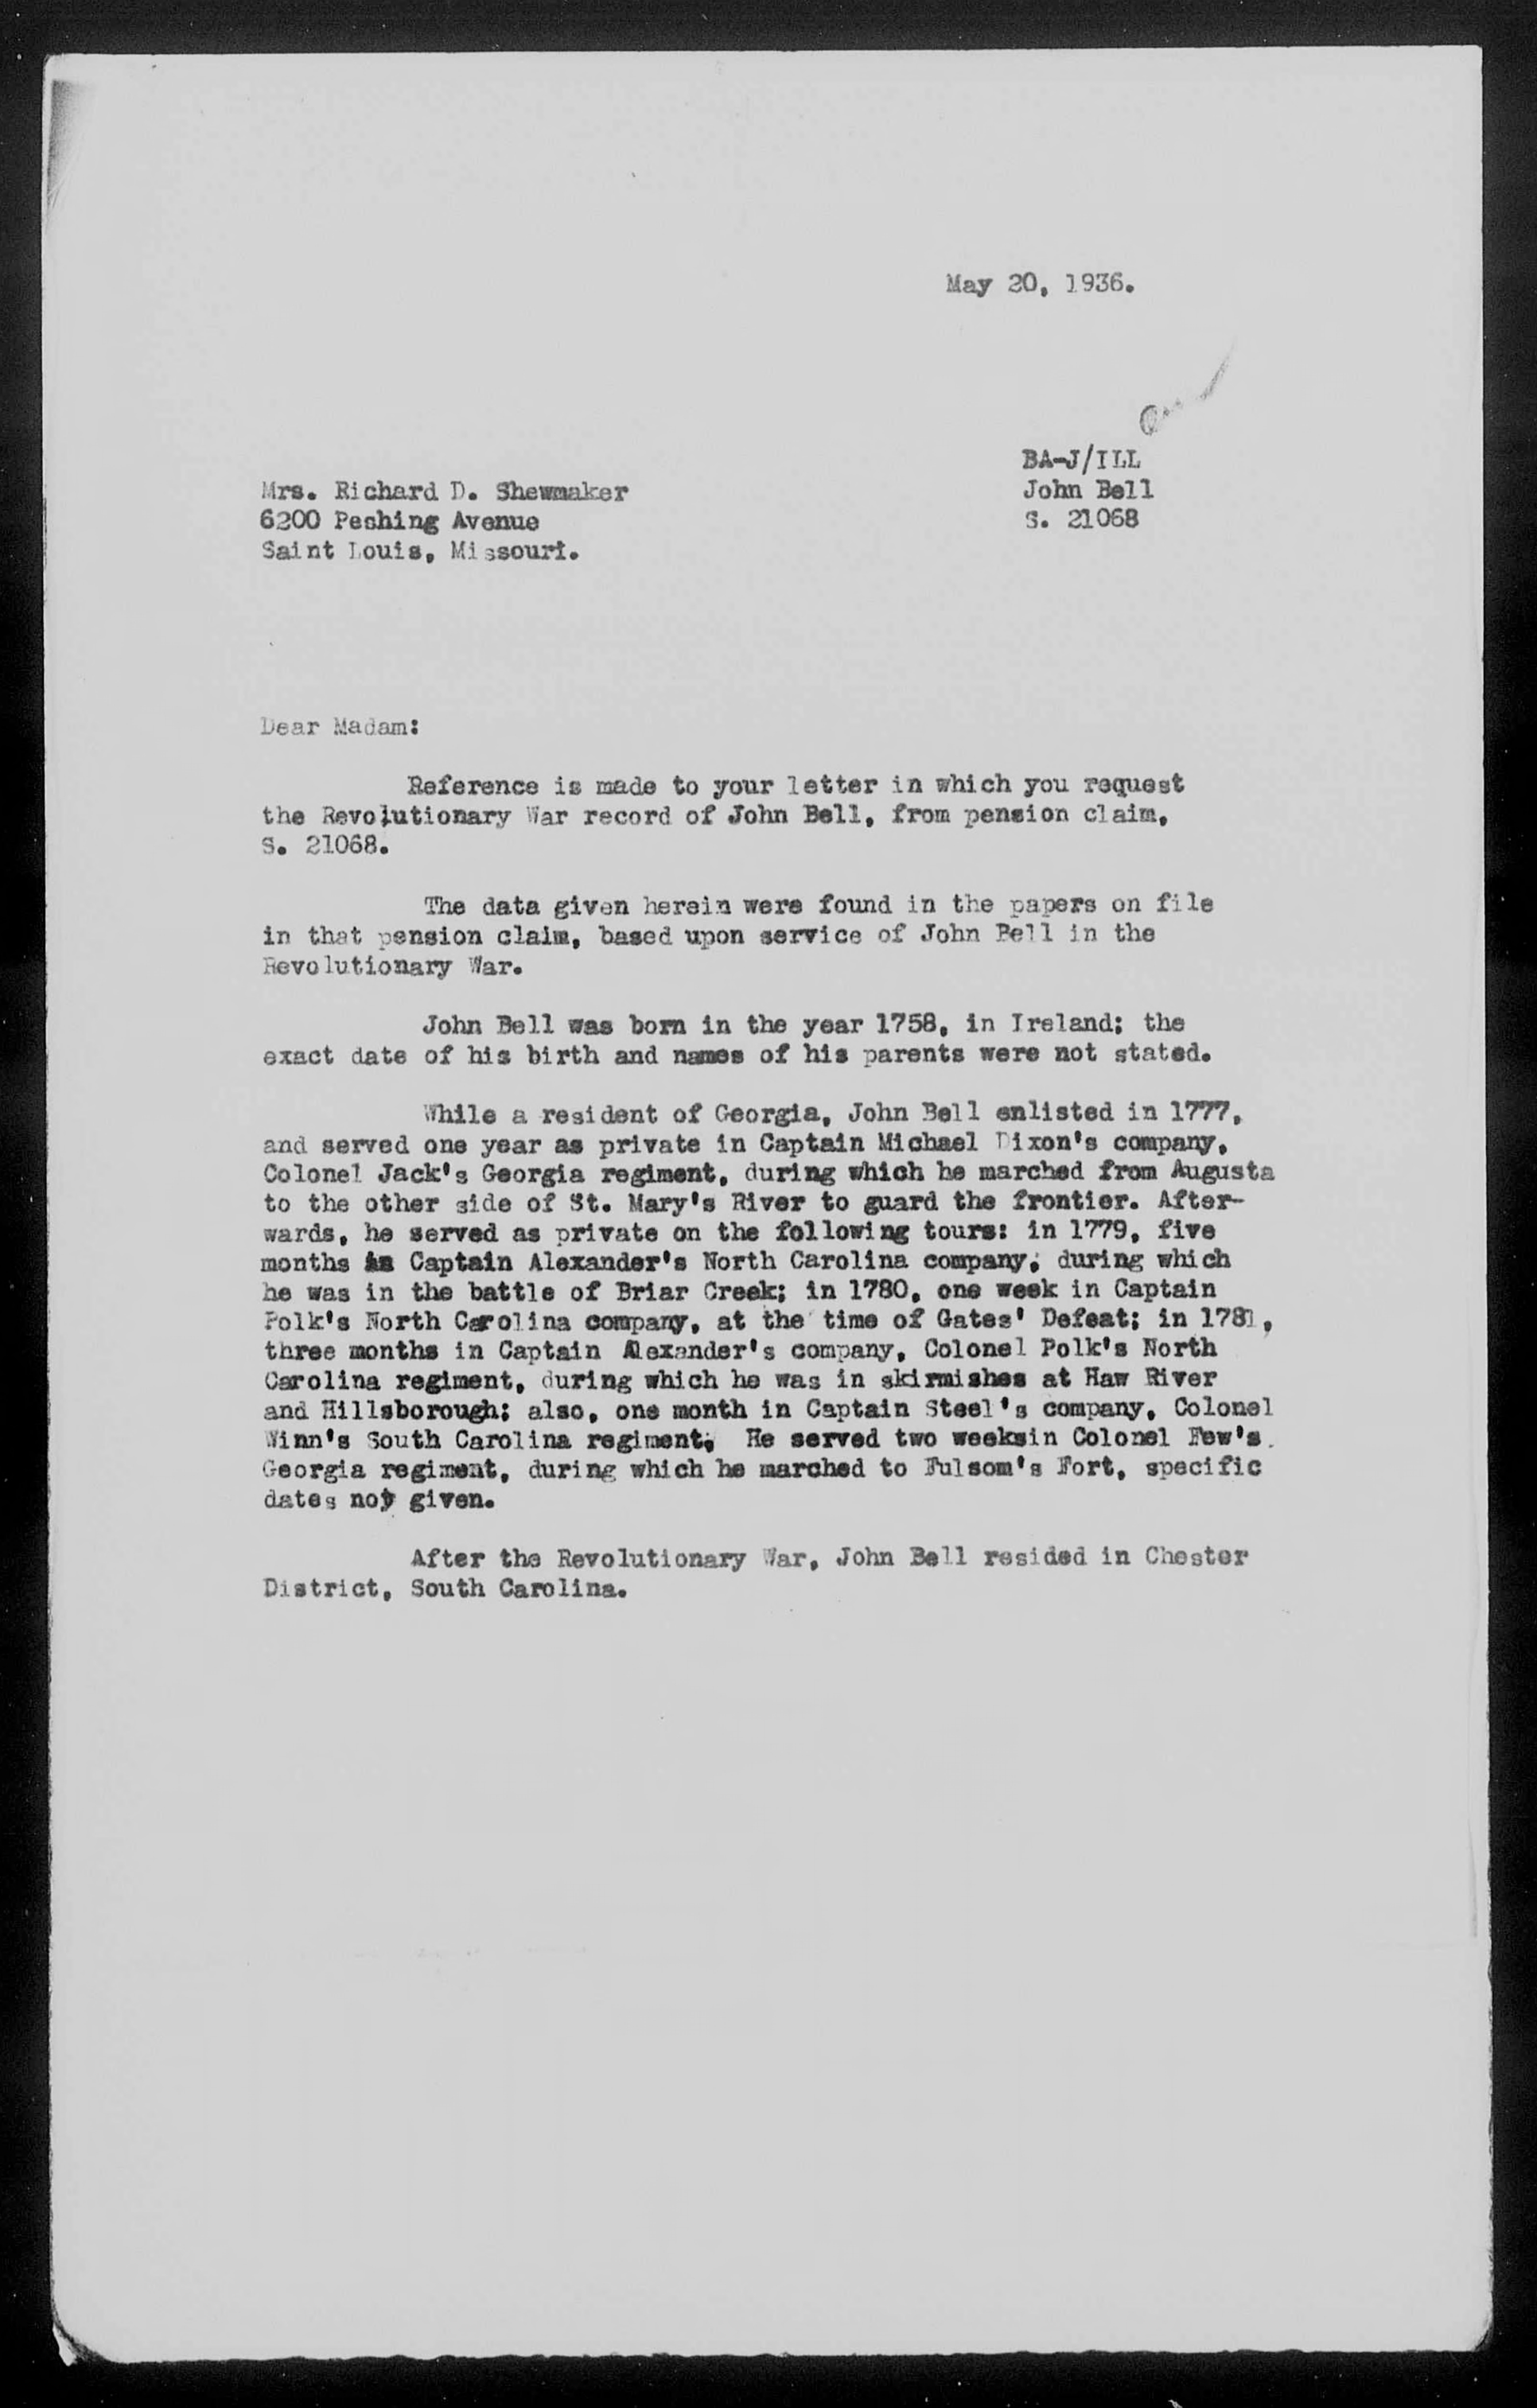May 20, 1936.
BA-J/ILL  [aw]
John Bell
S. 21068
Mrs. Richard D. Shewmaker
6200 Peshing Avenue
Saint Louis, Missouri.
Dear Madam:
Reference is made to your letter in which you request the Revolutionary War record of John Bell, from pension claim, S. 21068.
The data given herein were found in the papers on file in that pension claim, based upon service of John Bell in the Revolutionary War.
John Bell was born in the year 1758, in Ireland; the exact date of his birth and names of his parents were not stated.
While a resident of Georgia, John Bell enlisted in 1777, and served one year as private in Captain Michael Dixon's company, Colonel Jack's Georgia regiment, during which he marched from Augusta to the other side of St. Mary's River to guard the frontier. Afterwards, he served as private on the following tours: in 1779, five months in Captain Alexander's North Carolina company, during which he was in the battle of Briar Creek; in 1780, one week in Captain Polk's North Carolina company, at the time of Gates' Defeat; in 1781, three months in Captain Alexander's company, Colonel Polk's North Carolina regiment, during which he was in skirmishes at Haw River and Hillsborough; also, one month in Captain Steel's company, Colonel Winn's South Carolina regiment. He served two weeks in Colonel Few's Georgia regiment, during which he marched to Fulsom's Fort, specific dates not given.
After the Revolutionary War, John Bell resided in Chester District, South Carolina.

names: John Bell, John Bell, Gates, John Bell, Richard D Shewmaker, John Bell, John Bell, John Bell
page: 7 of 23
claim: survivor's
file: S. 21068, John Bell, Ga. N. C. S. C.